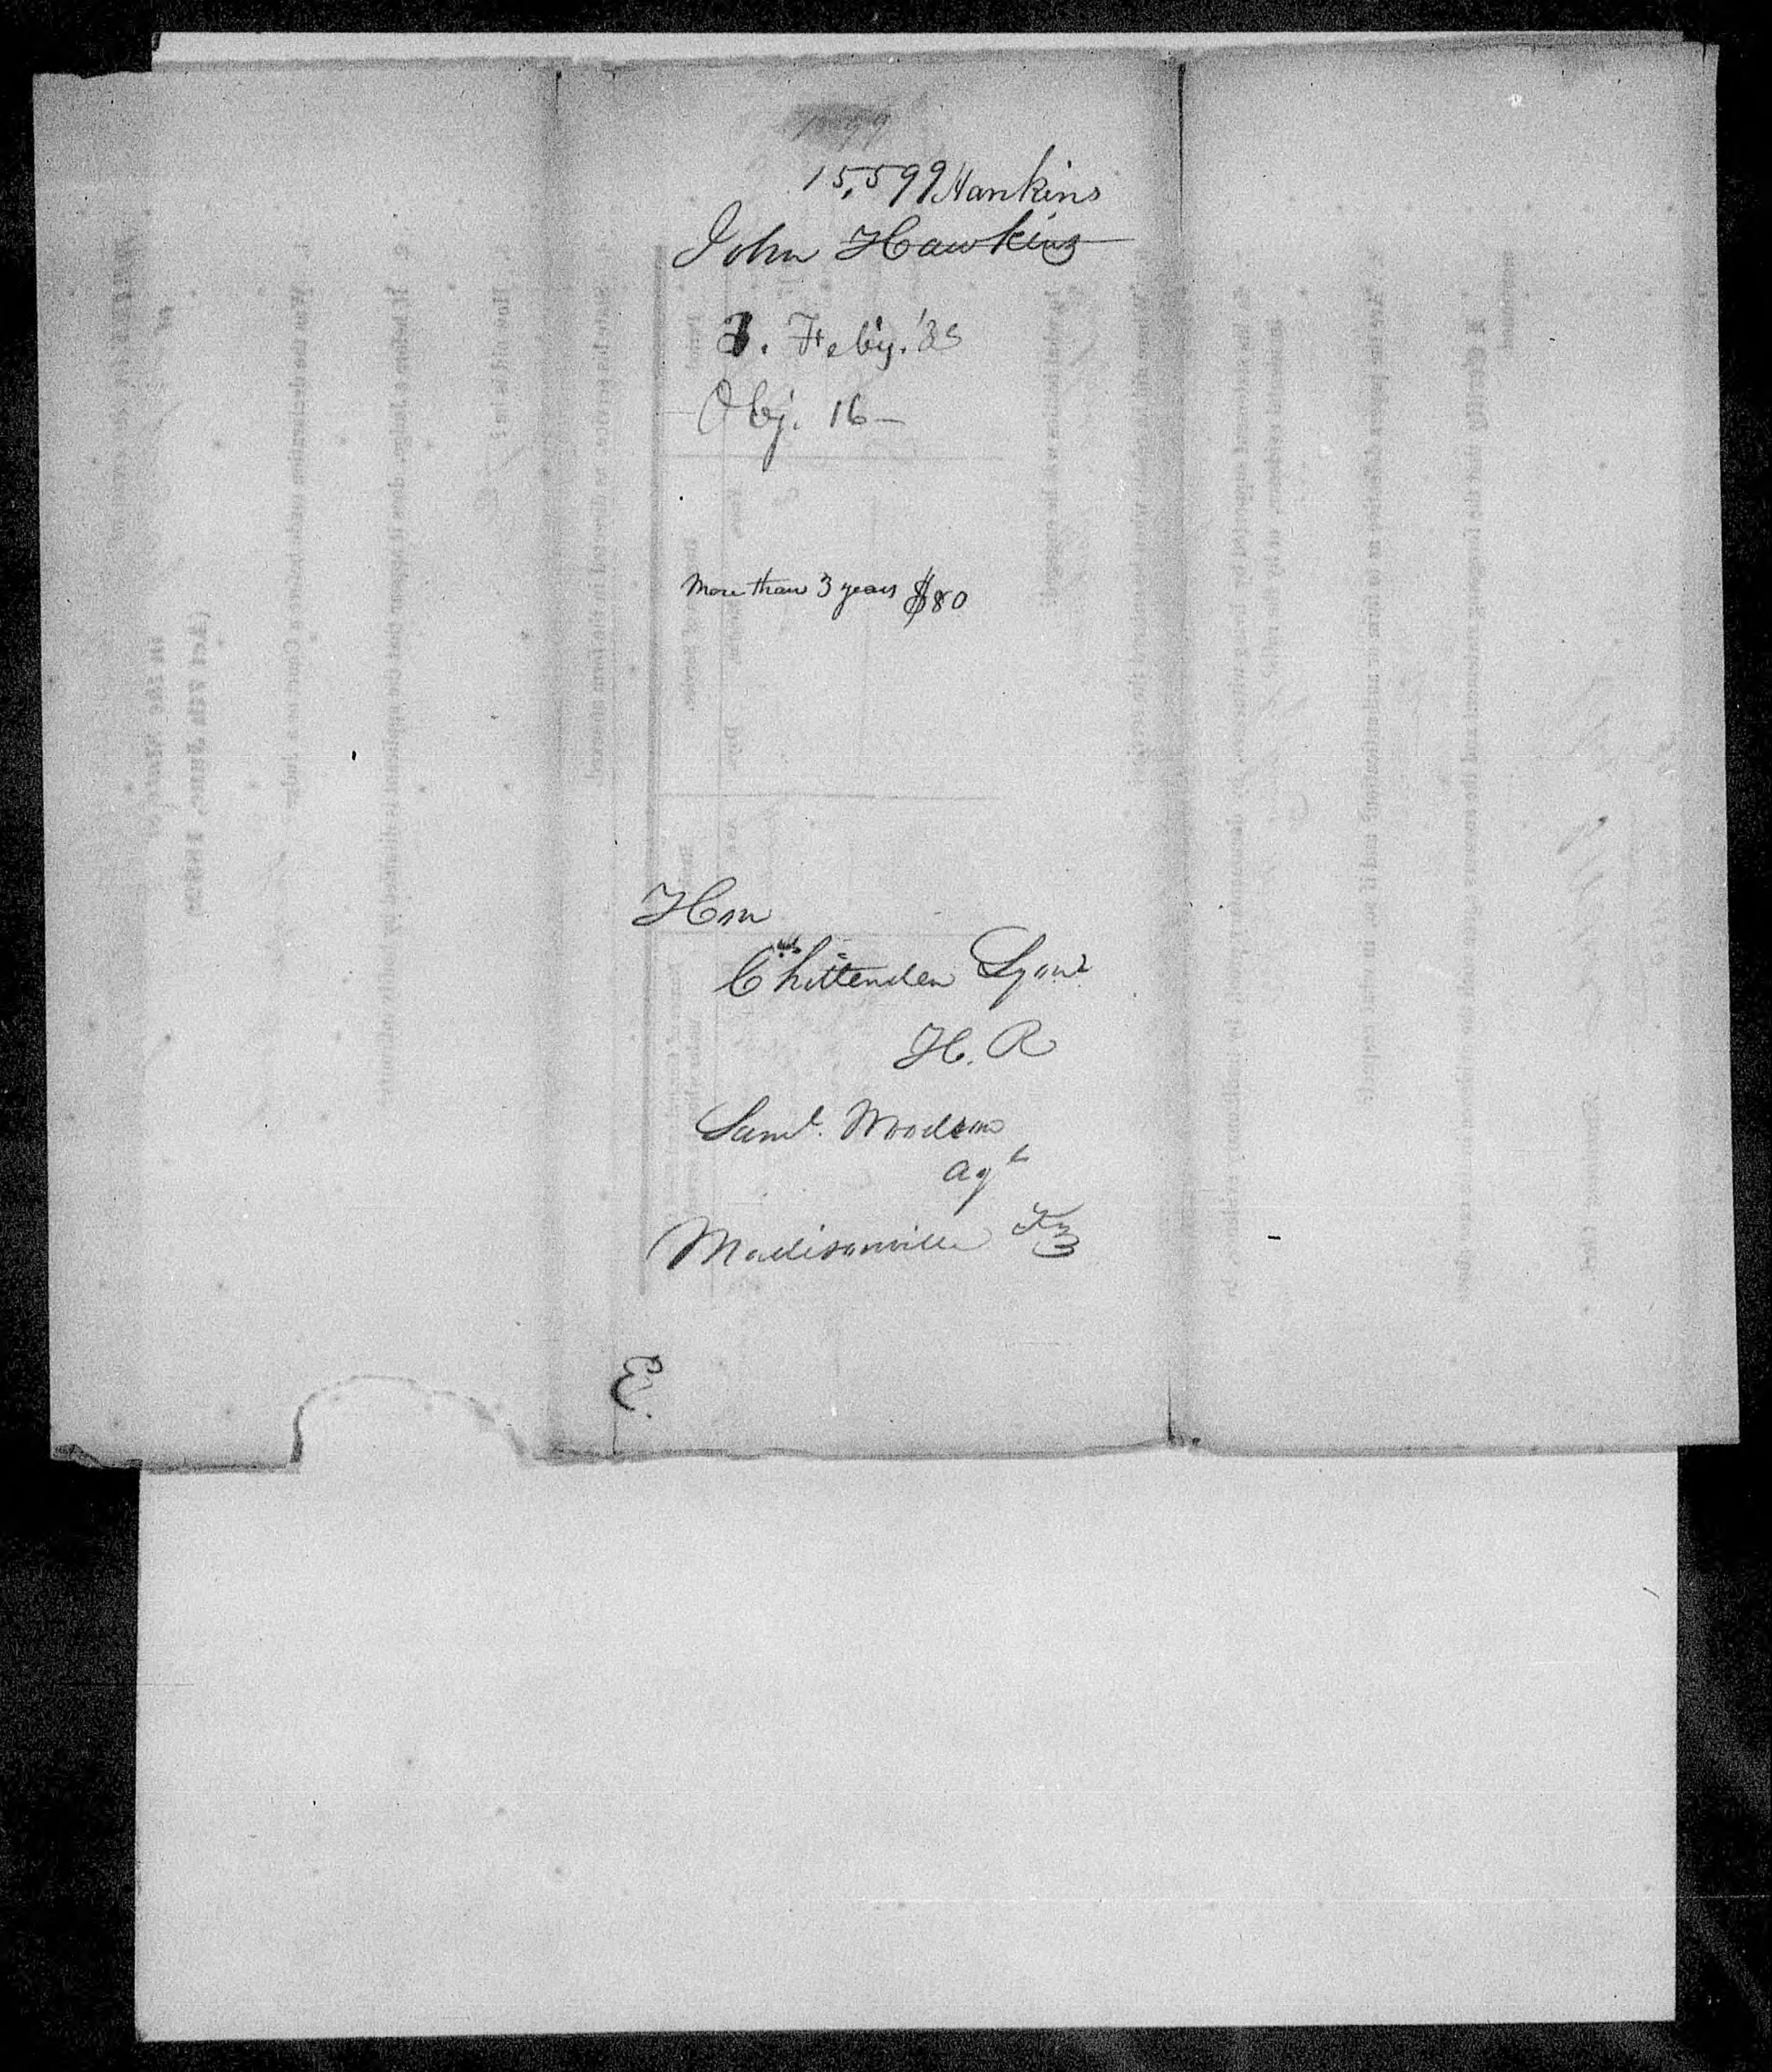15599 
John Hawkins [crossed out] Hankins
6 Feby. 83
Obj. 16-

More than 3 years $80

Hon. Cittenden Lyons, H. R.
Saml. Woodson [illegible]
Madisonville KY

E.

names: John Hawkins, Saml Woodson, Chittenden Lyons, Hankins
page: 7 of 19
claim: survivor's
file: S. 16404, John Hankins, Va.